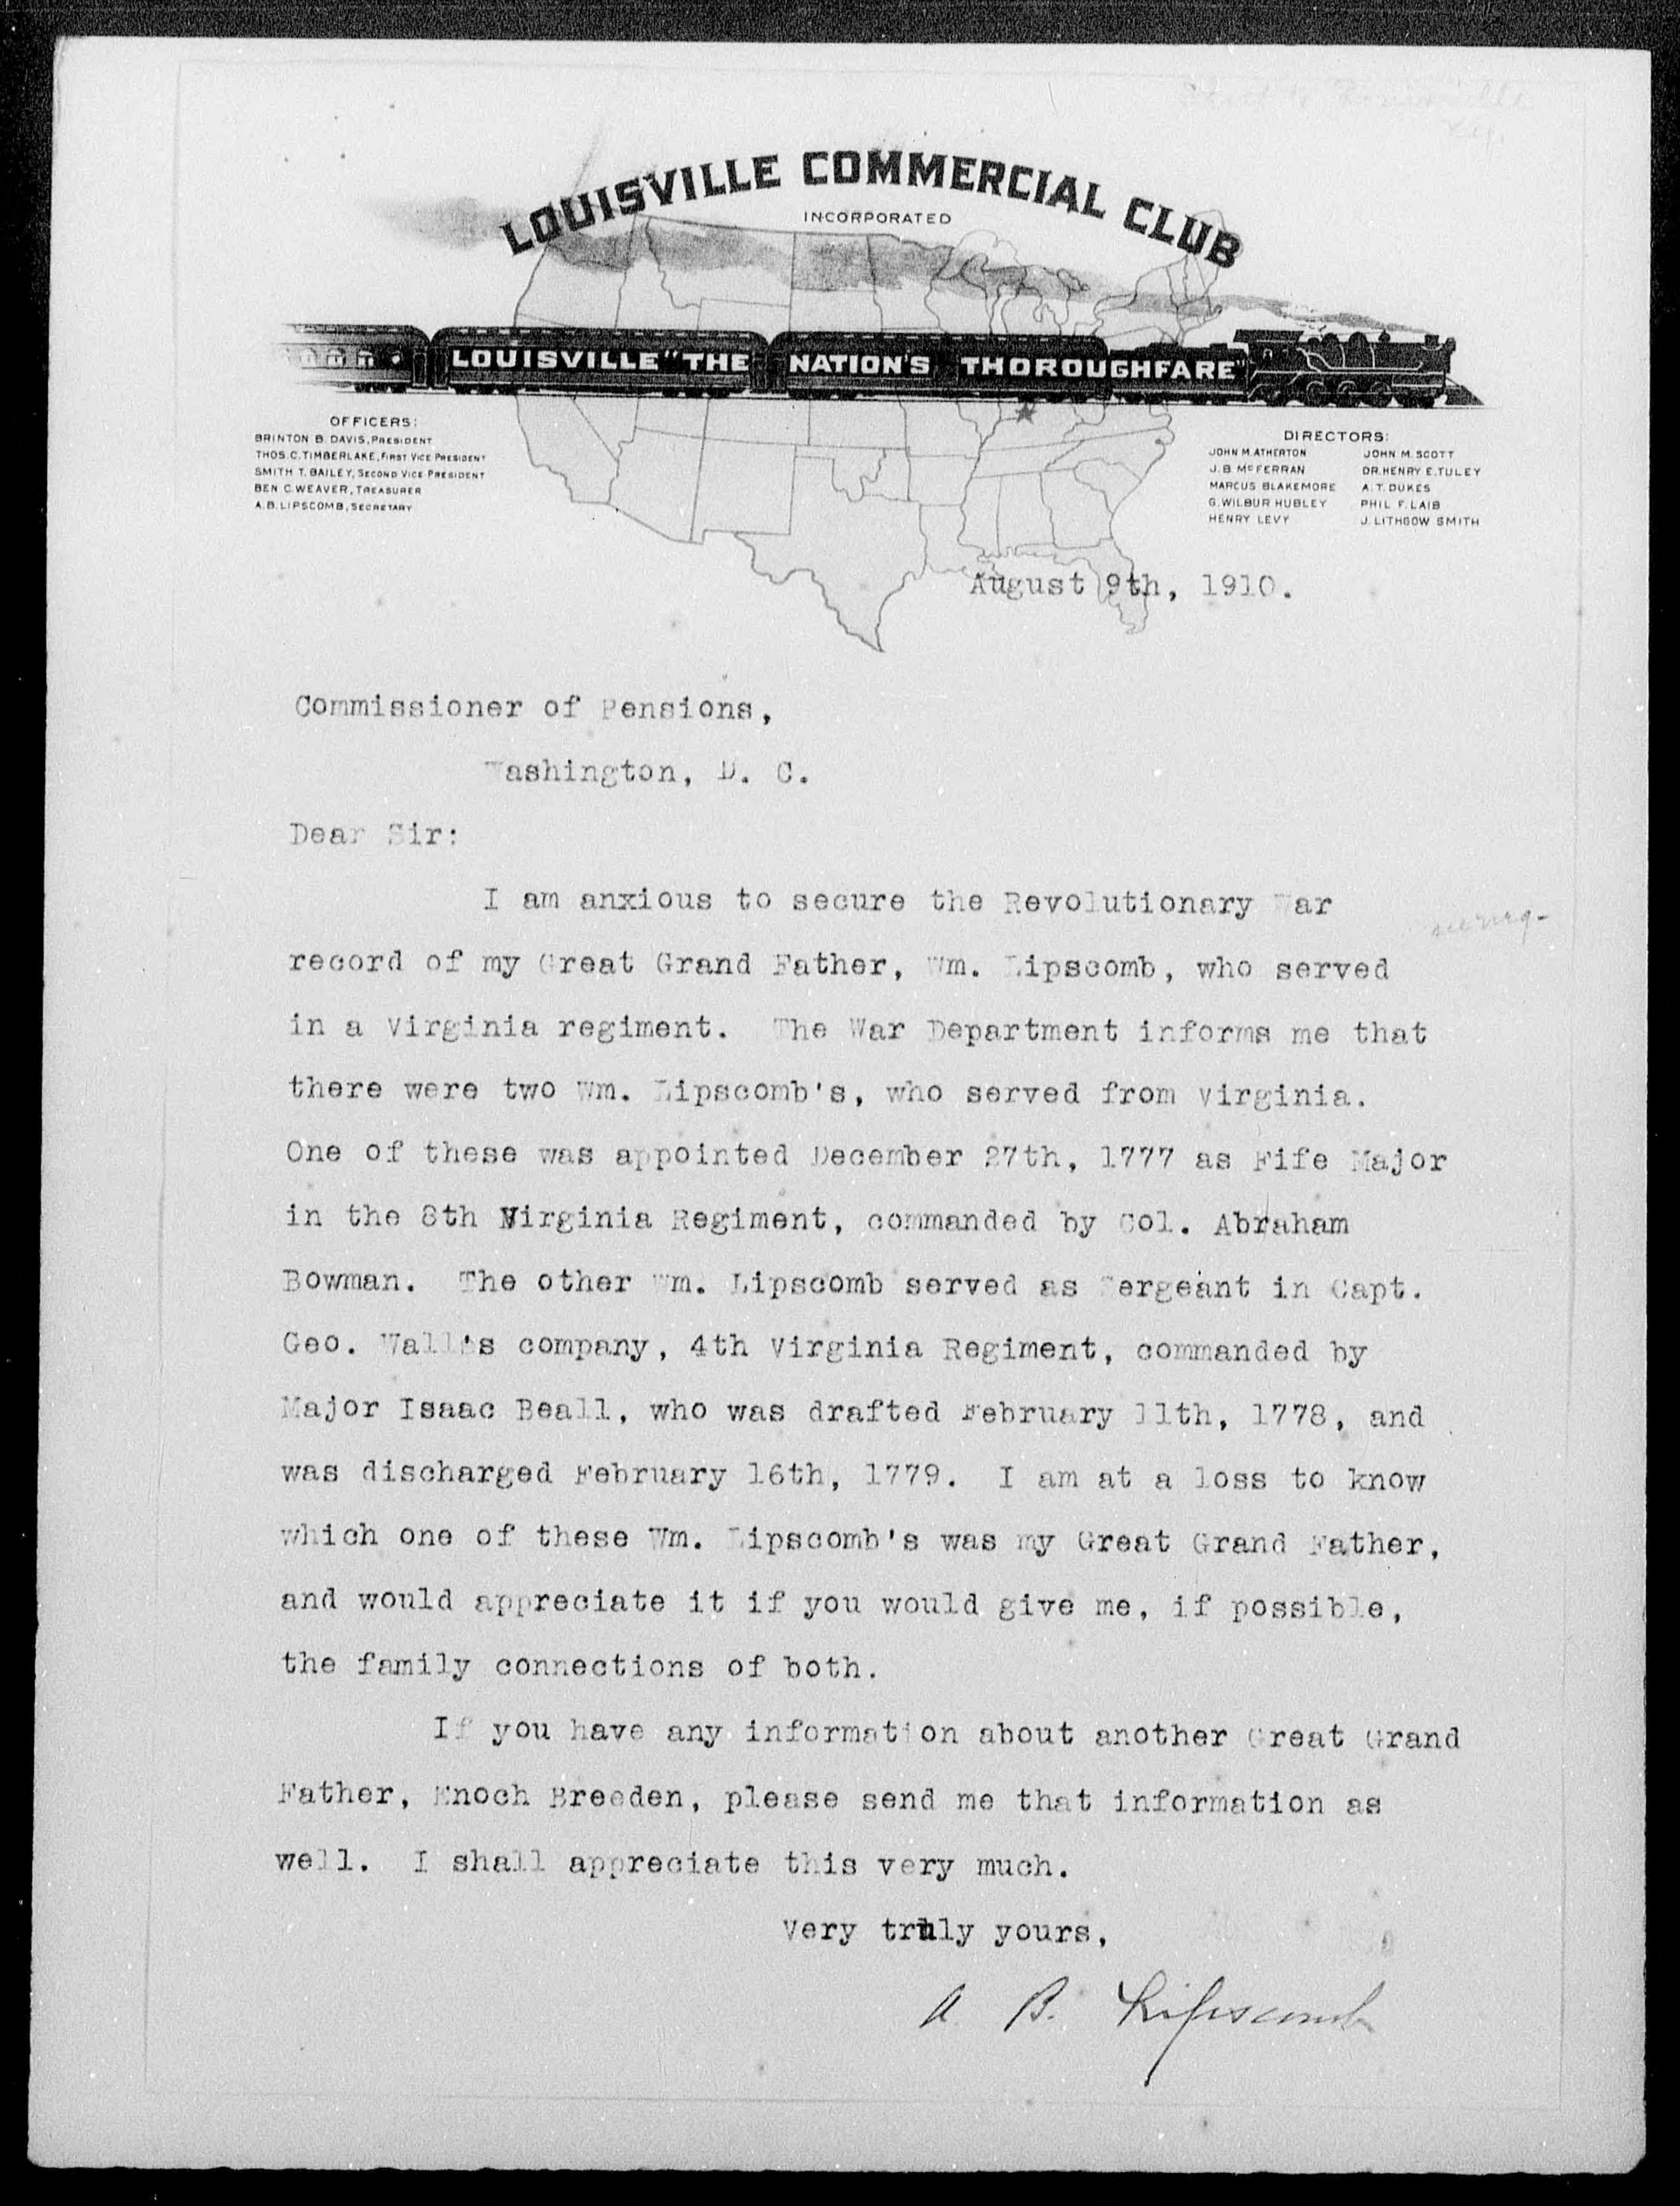LOUISVILLE COMMERCIAL CLUB 
INCORPORATED


OFFICERS:
BRINTON B DAVIS, PRESIDENT 
THOS C. TIMBERLAKE, FIRST VICE PRESIDENT
SMITH T. BAILEY, SECOND VICE PRESIDENT BEN C. WEAVER, TREASURER
A.B.LIPSCOMB, SECRETARY

DIRECTORS: 
JOHN M. ATHERTON
J. B. McFERRAN 
MARCUS BLAKEMORE 
G. WILBUR HUBLEY
HENRY LEVY 
JOHN M. SCOTT
DR. HENRY E. TULEY
A.T. DUKES 
PHIL F. LAIB 
J. LITHGOW SMITH

August 19th, 1910. 
Commissioner of Pensions,
Washington, D.C.

Dear Sir: 
I am anxious to secure the Revolutionary War record of my Great Grand Father, Wm. Lipscomb, who served in a Virginia regiment. The War Department informs me that there were two Wm. Lipscomb's, who served from Virginia. One of these was appointed December 27th, 1777 as Fife Major in the 8th Virginia Regiment, commanded by Col. Abraham Bowman. The other Wm. Lipscomb served as sergeant in Capt. Geo. Wallis company, 4th Virginia Regiment, commanded by Major Isaac Beall, who was drafted February 11 th, 1778, and was discharged February 16th, 1779. I am at a loss to know which one of these Wm. Lipscomb's was my Great Grand Father, and would appreciate it if you would give me, if possible, the family connections of both. If you have any information about another Great Grand Father, Enoch Breeden, please send me that information as well. I shall appreciate this very much. 
Very truly yours, 
A. B. Lipscomb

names: Wm Lipscomb, Enoch Breeden, A B Lipscomb, Abraham Bowman, Isaac Beall, Wm Lipscomb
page: 24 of 27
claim: survivor's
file: S. 1747, Enoch Breeden, Va.